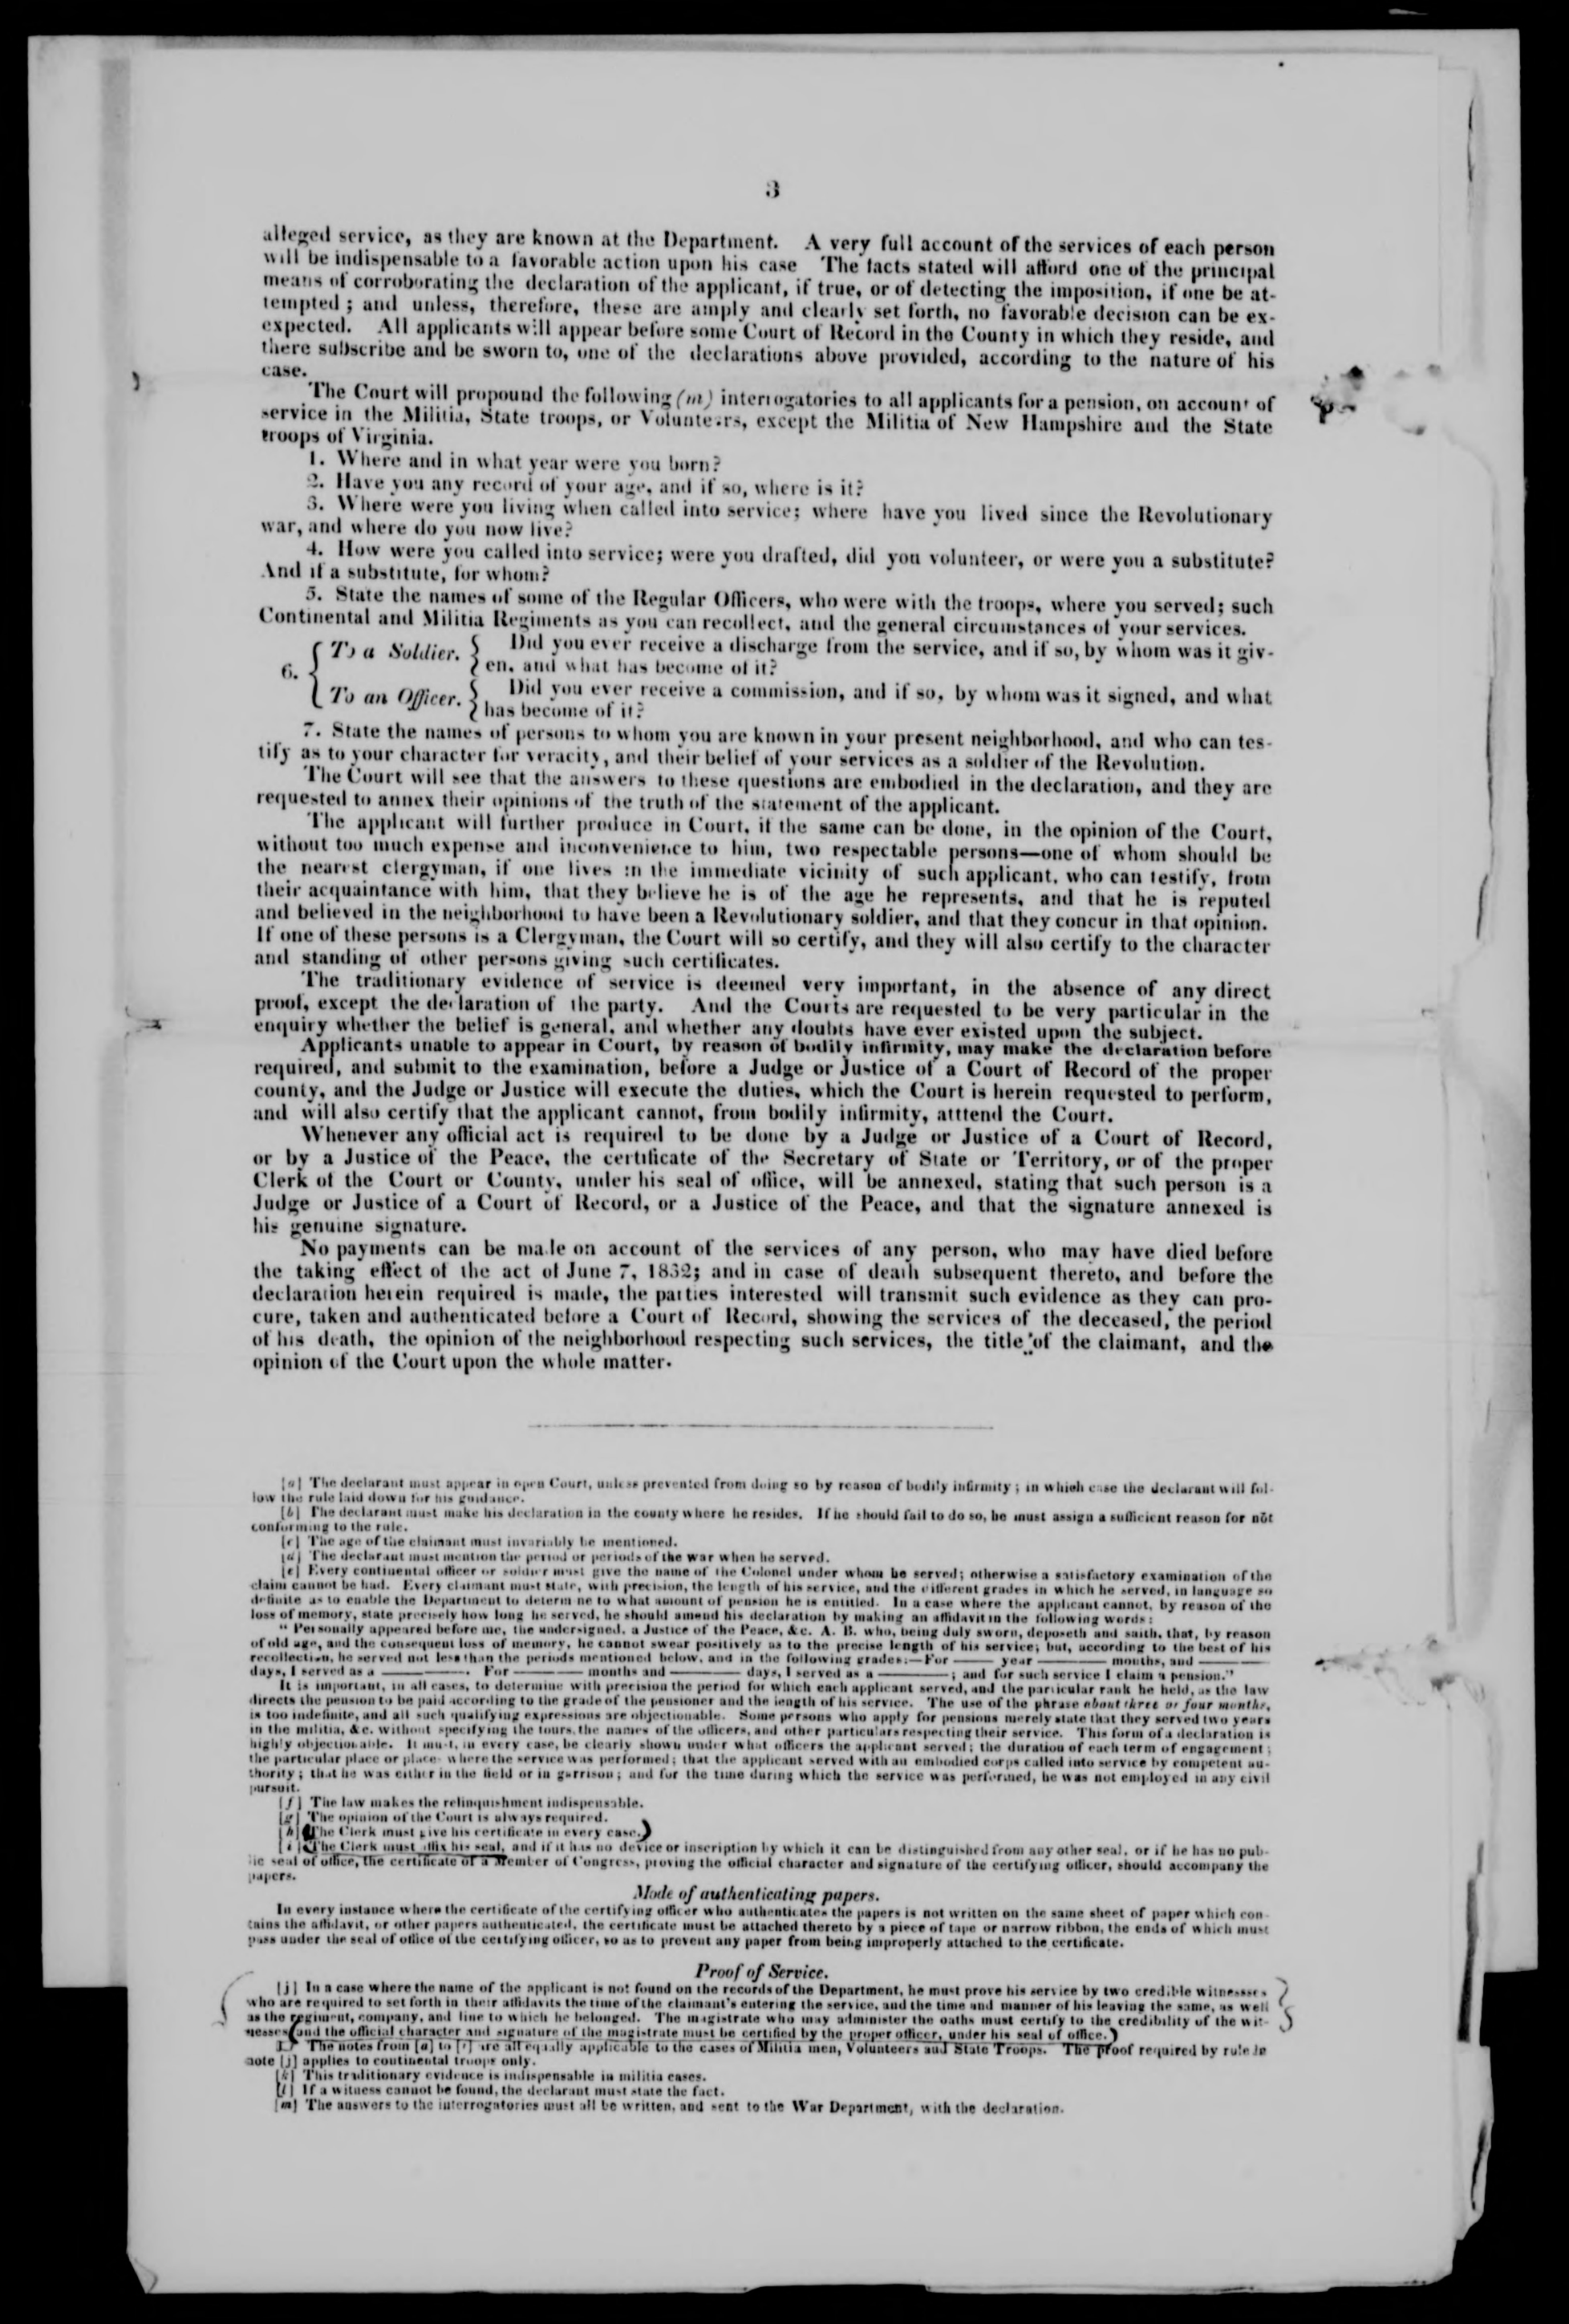alleged service, as they are known at the Department. A very full account of the services of each person will be indispensable to a favorable action upon his case. The facts stated will afford one of the principal means of corroborating the declaration of the applicant, if true, or detecting the imposition, if one be attempted; and unless, therefore, these are amply and clearly set forth, no favorable decision can be expected. All applicants will appear before some Court of Record in the County in which they reside, and there subscribe and be sworn to, one of the declarations above provided, according to the nature of his case. 
the Court will propound the following (m) interrogatories to all applicants for a pension, on account of service in the Militia, State troops, or Volunteers, except the Militia of New Hampshire and the State troops of Virginia. 1. Where and in what year were you born? 2. Have you any record of your age, and if so, where is it? 3. Where were you living when called into service; where have you lived since the Revolutionary war, and where do you now live? 4. How were you called into service; were you drafted, did you volunteer, or were you a substitute? And if a substitute, for whom? 5. State the names of some of the Regular Officers, who were with the troops, where you served; such Continental and Militia Regiments as you can recollect, and the general circumstances of your services. 6 To a soldier: Did you ever received a discharge from the service, and if so, by whom was it given, and what has become of it? To an officer. Did you ever receive a commission, and if so , by whom was it signed, and what has become of it? 7. State the anems of persons to whom you are known in your present neighborhood, and who can testify as to your character for veracity, and their belief of your services as a soldier of the Revolution. The Court will see that the answers to these questions are embodied in the declaration, and they are requested to annex their opinions of the truth of the statement of the applicant. The applicant will further produce in Court, if the same can be done, in the opinion of the Court without too much expense and inconvenience to him, two respectable persons- one of whom should be the nearest clergyman, if one lives in the immediate vicinity of such applicant, who can testify, from their acquaintance with him, that they believe he is of the age he represents, and that he is reputed and believed in the neighborhood to have been a Revolutionary soldier, and that they concur in that opinion. If one of these persons is a Clergyman, the Court will so certify, and they will also certify to the character and standing of other person giving such certificates. The traditionary evidence of service is deemed very important, in the absence of any direct proof, except the declaration of the party. And the Courts are requested to be very particular in the enquiry where the belief is general, and whether any doubts have ever existed upon the subject. 
Applicants unable to appear in Court, by reason of bodily infirmity, may make the declaration before required, and submit to the examination, before a Judge or Justice of a Court of Record, or by a Justice of the Peace, the certificate of the Secretary of State or Territory, or of the proper Clerk of the Court or County, under his seal of office, will be annexed, stating that such person is a Judge or Justice of a Court of Record, or a Justice of the Peace, and that the signature annexed is his genuine signature. 
No payments can be made on account of the services of any person who may have died before the taking effect of the act of June 7, 1832; and in case of death subsequent thereto, and before the declaration herein required is made, the aprties interested will transmit such evidence as they can procure, taken and authenticated before a Court of Record, showing the services of the deceased, the period of his death, the opinion of the neighborhood respecting such services, the title of the claimant, and the opinion of the Court upon the whole matter.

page: 11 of 14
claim: survivor's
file: S. 764, for Job Throckmorton, New Jersey